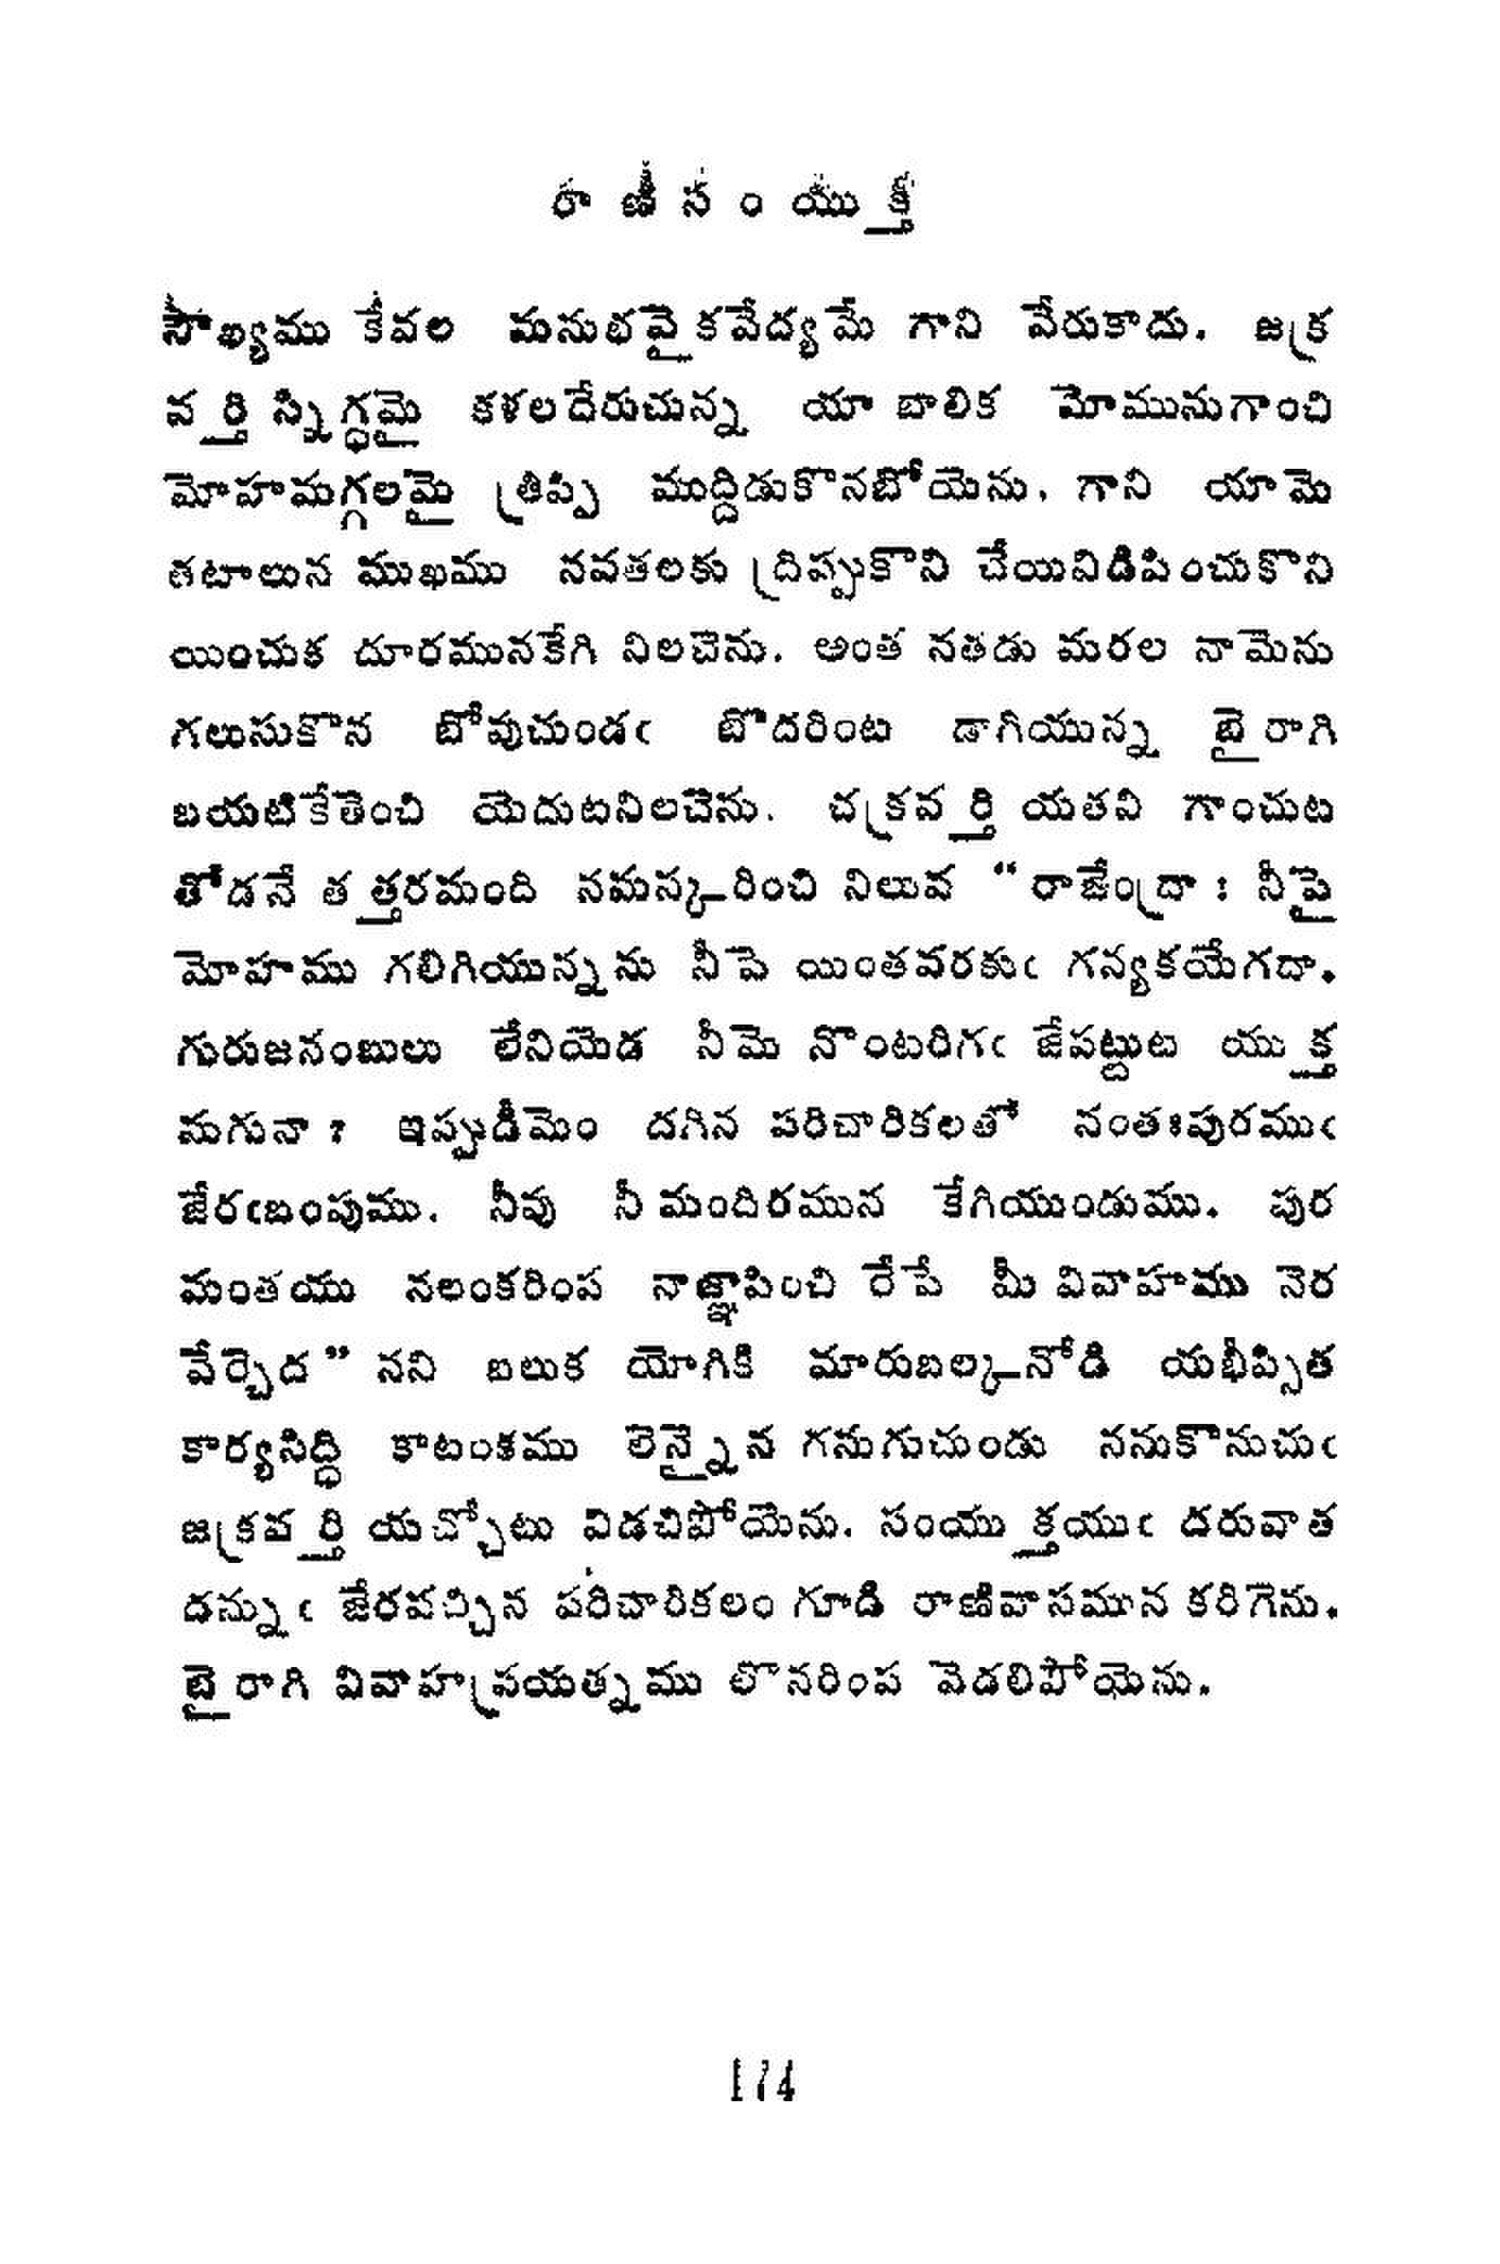సౌఖ్యము కేవల మనుభవైకవేద్యమే గాని వేరుకాదు. జక్రవర్తి స్నిగ్ధమై కళలదేరుచున్న యా బాలిక మోమునుగాంచి మోహమగ్గలమై త్రిప్ప ముద్దిడుకొనబోయెను. గాని యామె తటాలున ముఖము నవతలకు త్రిప్పుకొని చేయివిడిపించుకొని యించుక దూరమునకేగి నిలచెను. అంత నతడు మరల నామెను గలుసుకొన బోవుచుండఁ బొదరింట డాగియున్న బైరాగి బయటికేతెంచి యెదుటనిలచెను. చక్రవర్తి యతని గాంచుటతోడనే తత్తరమంది నమస్కరించి నిలువ “రాజేంద్రా ! నీపై మోహము గలిగియున్నను నీపె యింతవరకుఁ గన్యకయేగదా. గురుజనంబులు లేనియెడ నీమె నొంటరిగఁ జేపట్టుట యుక్తమగునా ? ఇప్పుడీమెం దగిన పరిచారికలతో నంతఃపురముఁ జేరఁబంపుము. నీవు నీ మందిరమున కేగియుండుము. పురమంతయు నలంకరింప నాజ్ఞాపించి రేపే మీ వివాహము నెరవేర్చెద " నని బలుక యోగికి మారుబల్కనోడి యభీప్సిత కార్యసిద్ధి కాటంకము లెన్నైన గనుగుచుండు ననుకొనుచుఁ జక్రవర్తి యచ్చోటు విడచిపోయేను. సంయుక్తయుఁ దరువాత దన్నుఁ జేరవచ్చిన పరిచారికలం గూడి రాణివాసమున కరిగెను. బైరాగి వివాహప్రయత్నము లొనరింప వెడలిపోయెను.